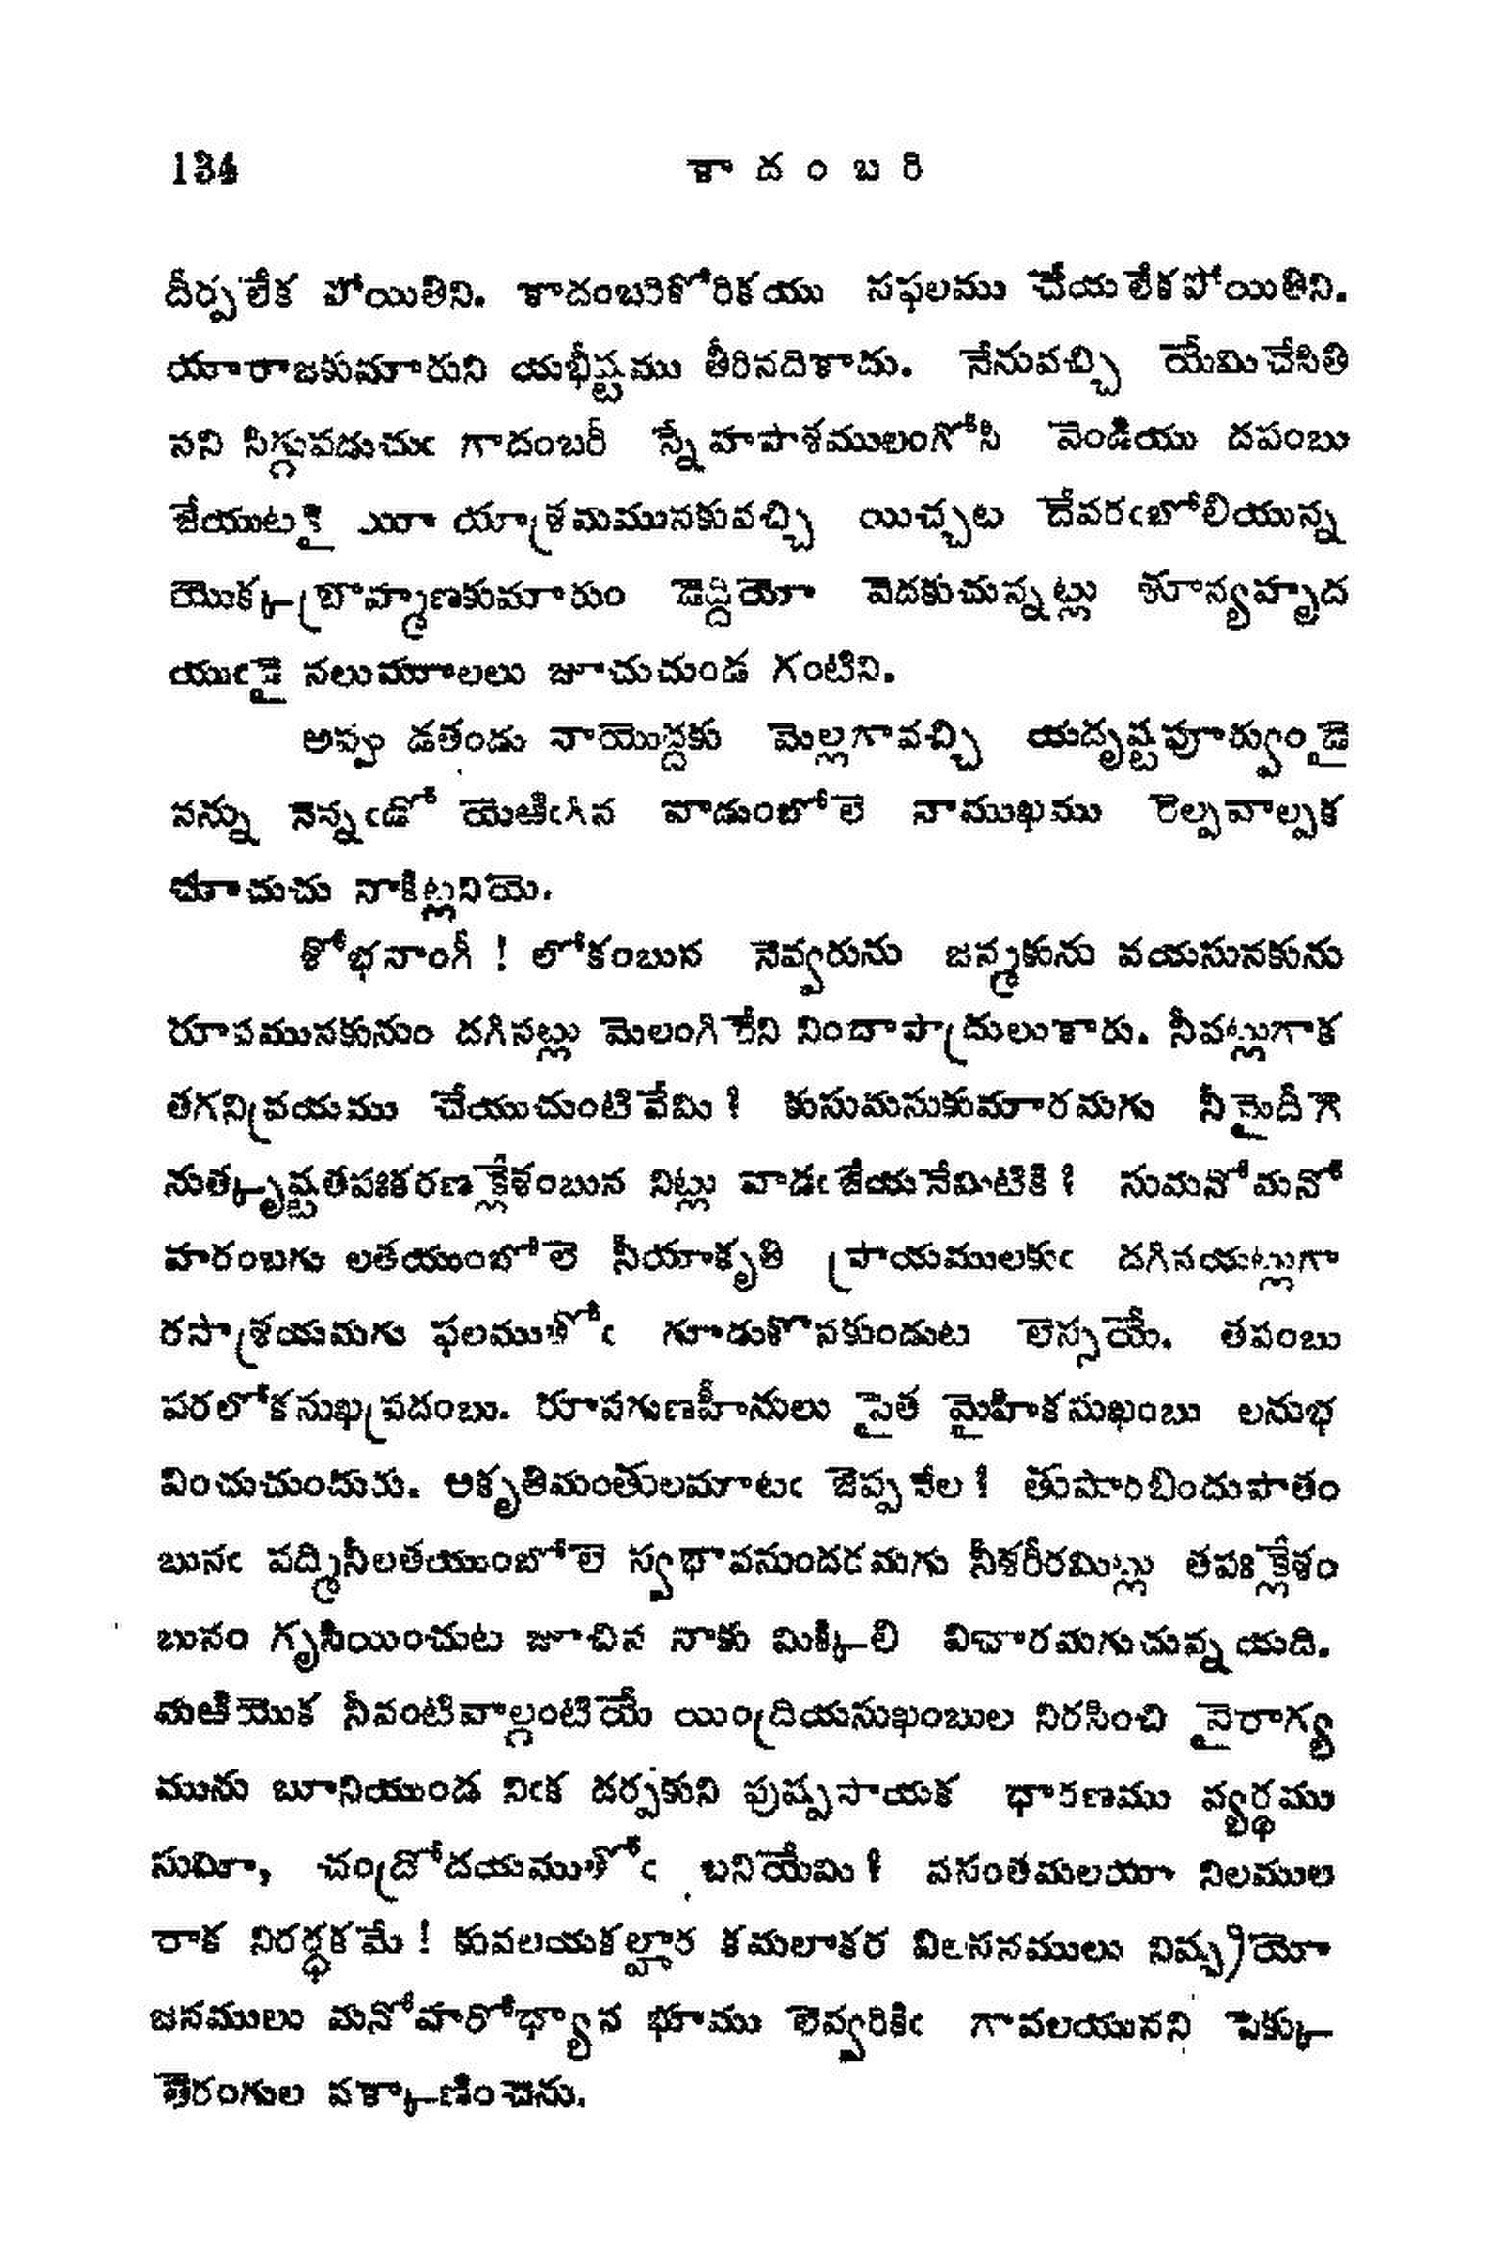దీర్పలేక పోయితిని. కాదంబరికోరికయు సఫలము చేయలేకపోయితిని. యారాజకుమారుని యబీష్టము తీరినదికాదు. నేనువచ్చి యేమిచేసితినని సిగ్గుపడుచుఁ గాదంబరీ స్నేహపాశములంగోసి వెండియు దపంబు జేయుటకై యీ యాశ్రమమునకువచ్చి యిచ్చట దేవరఁబోలియున్న యొక్కబ్రాహ్మణకుమారుం డెద్దియో వెదకుచున్నట్లు శూన్యహృదయుఁడై నలుమూలలు జూచుచుండ గంటిని.

అప్పు డతండు నాయొద్దకు మెల్లగావచ్చి యదృష్టపూర్వుండై నన్ను నెన్నఁడో యెఱిఁగిన వాడుంబోలె నాముఖము రెప్పవాల్పక చూచుచు నాకిట్లనియె.

శోభనాంగీ! లోకంబున నెవ్వరును జన్మకును వయసునకును రూపమునకునుం దగినట్లు మెలంగిరేని నిందాపాద్రులుకారు. నీవట్లుగాక తగనివ్రయము చేయుచుంటివేమి? కుసుమసుకుమారమగు నీమైదీగె నుత్కృష్టతపఃకరణక్లేశంబున నిట్లు వాడఁజేయనేమిటికి? సుమనోమనోహరంబగు లతయుంబోలె నీయాకృతి ప్రాయములకుఁ దగినయట్లుగా రసాశ్రయమగు ఫలముతోఁ గూడుకొనకుండుట లెస్సయే. తపంబు పరలోకసుఖప్రదంబు. రూపగుణహీనులు సైత మైహికసుఖంబు లనుభవించుచుందురు. ఆకృతిమంతులమాటఁ జెప్పనేల? తుషారబిందుపాతంబునఁ పద్మినీలతయుంబోలె స్వభావసుందరమగు నీశరీరమిట్లు తపఃక్లేశంబునం గృసియించుట జూచిన నాకు మిక్కిలి విచారమగుచున్నయది. మఱియొక నీవంటివాల్గంటియే యింద్రియసుఖంబుల నిరసించి వైరాగ్యమును బూనియుండ నిఁక దర్పకుని పుష్పసాయక ధారణము వ్యర్థము సుమీ, చంద్రోదయముతోఁ బనియేమి? వసంతమలయా నిలముల రాక నిరర్ధకమే! కువలయకల్హార కమలాకర విలసనములు నిష్ప్రయోజనములు మనోహరోధ్యాన భూము లెవ్వరికిఁ గావలయునని పెక్కు తెరంగుల వక్కాణించెను.